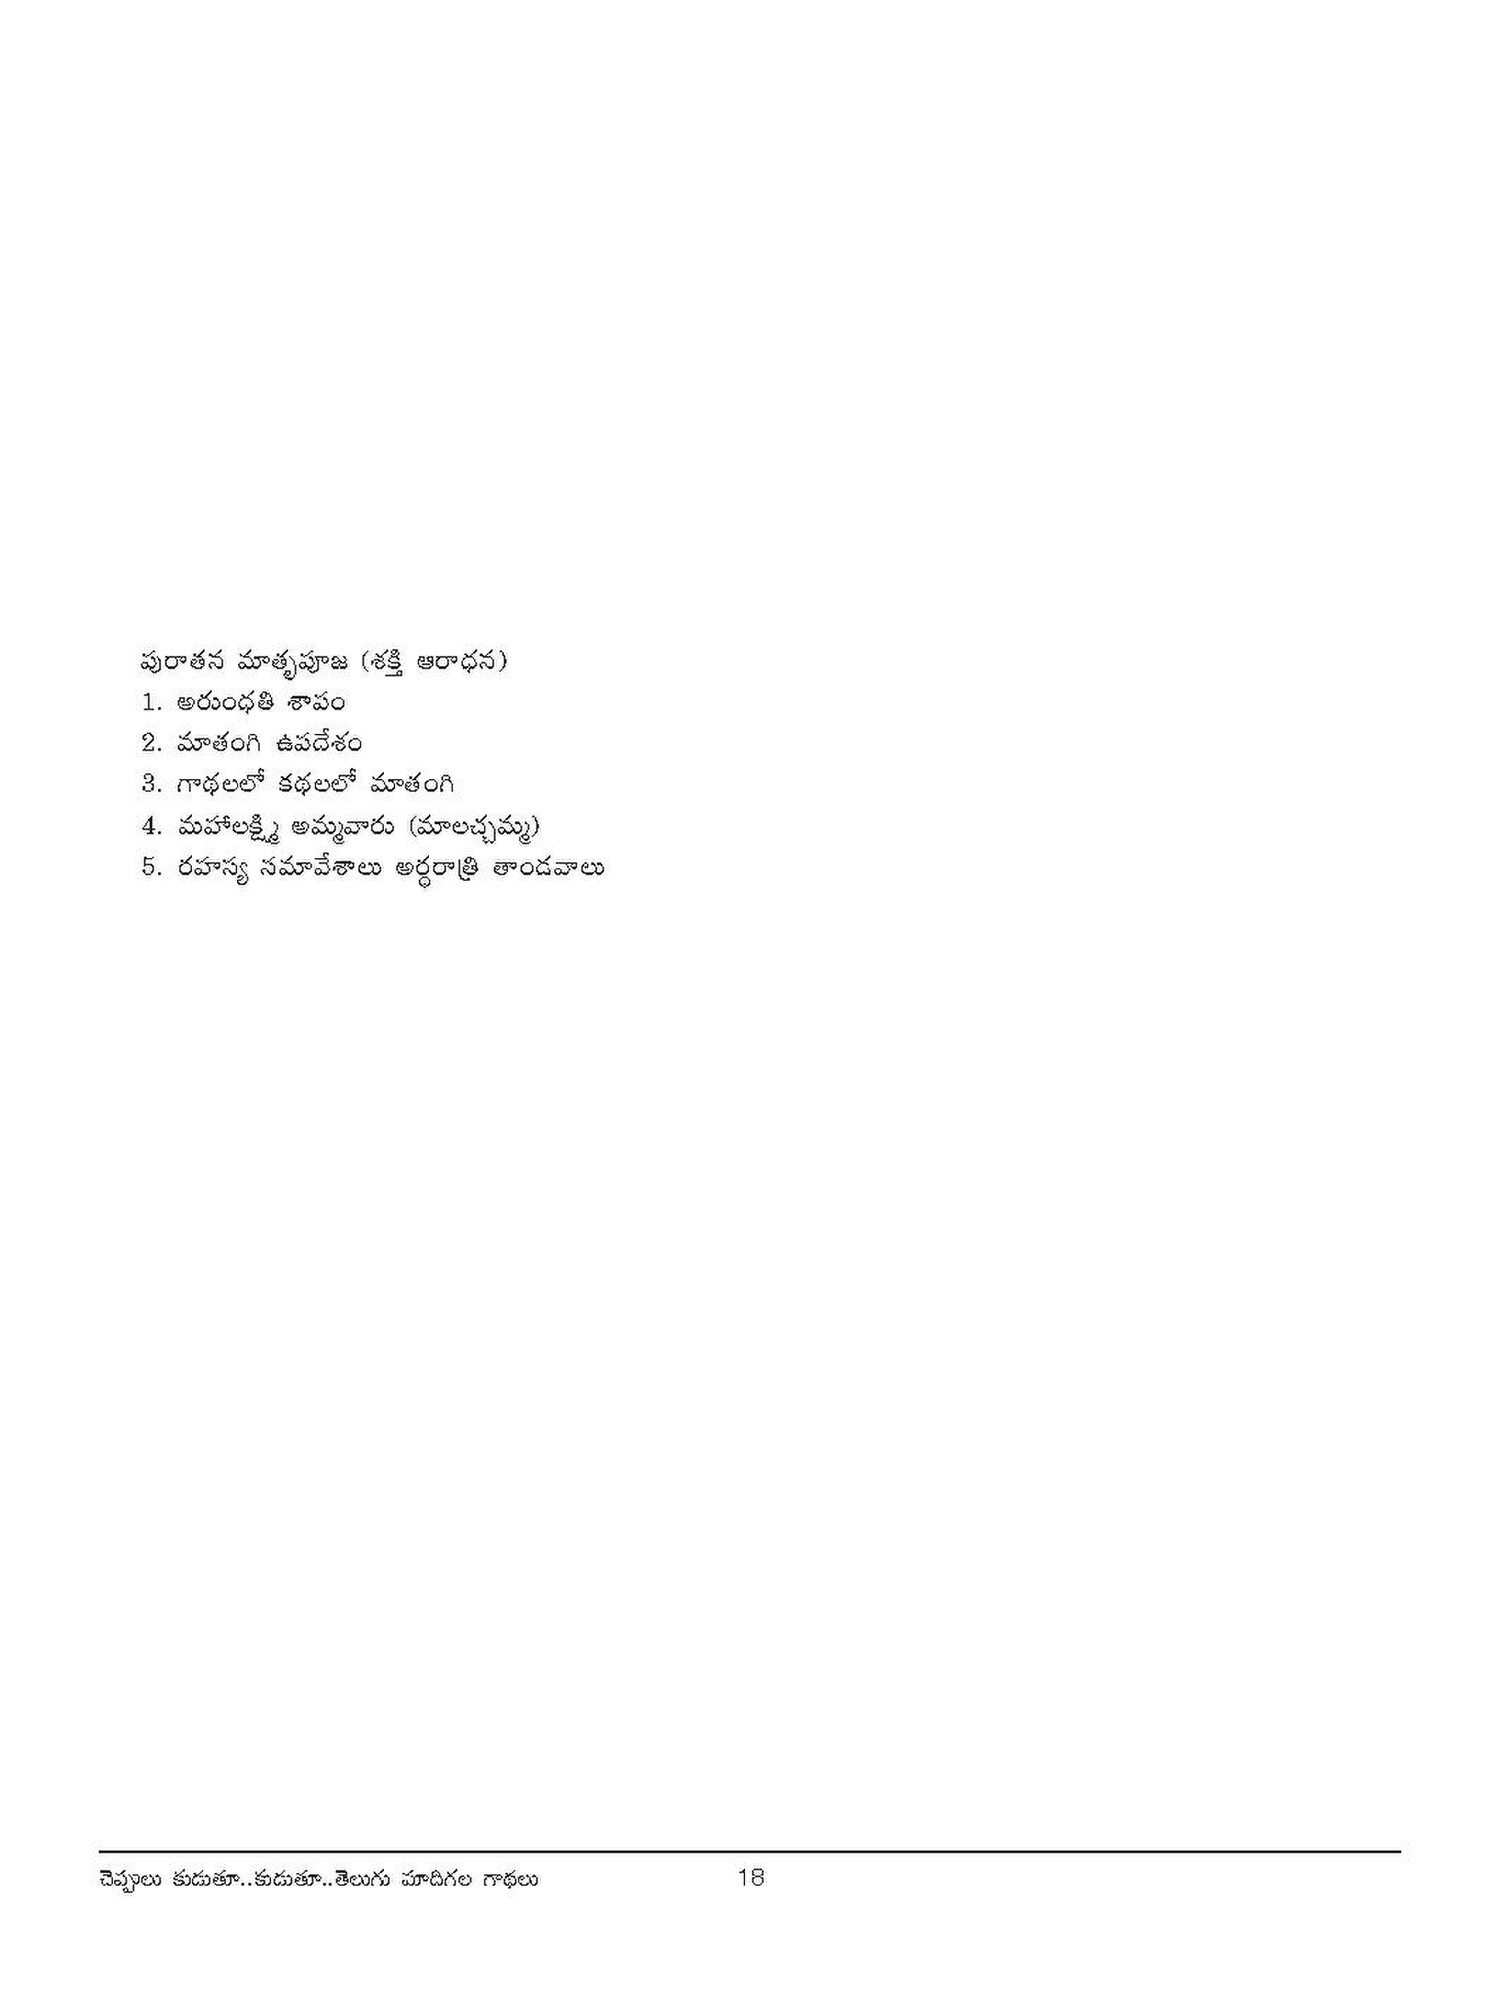పురాతన మాతృపూజ (శక్తి ఆరాధన)

1. అరుంధతి శాపం

2. మాతంగి ఉపదేశం

3. గాథలలో కథలలో మాతంగి

4. మహాలక్ష్మి అమ్మవారు (మాలచ్చమ్మ)

5. రహస్య సమావేశాలు అర్ధరాత్రి తాండవాలు